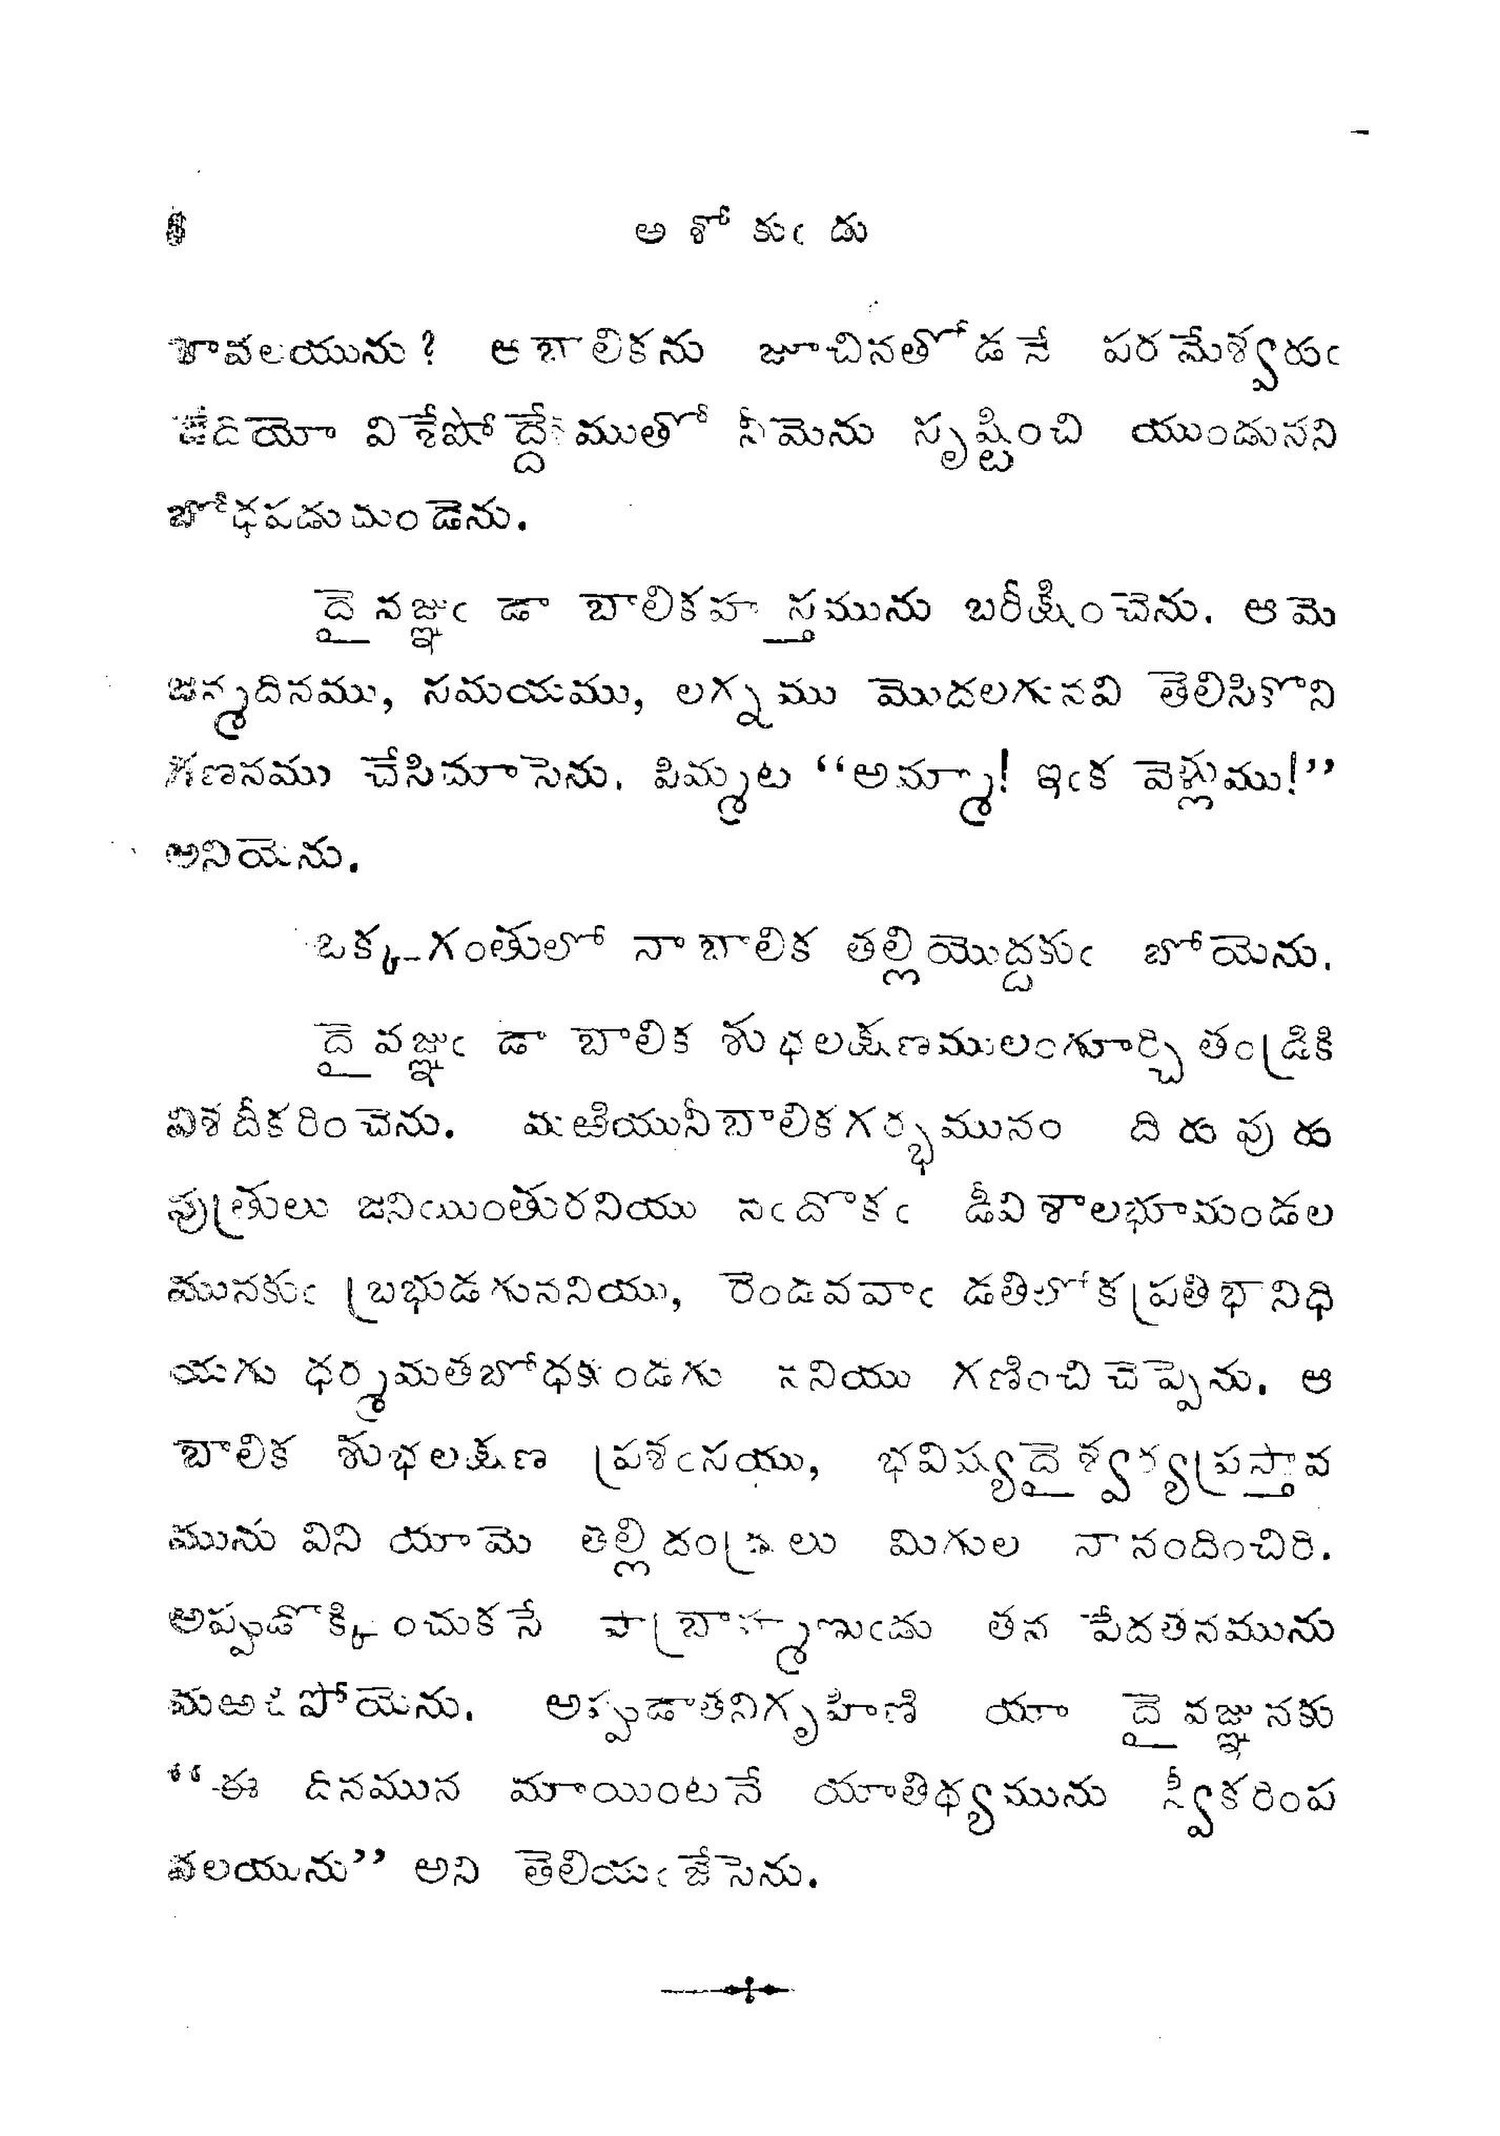కావలయును. ఆ బాలికను జూచినతోడనే పరమేశ్వరుఁ డేదియో విశేషోద్దేశముతో నీమెను సృష్టించి యుండునని బోధపడుచుండెను.

దైవజ్ఞుఁ డా బాలికహస్తమును బరీక్షించెను. ఆమె జన్మదినము, సమయము, లగ్నము మొదలగునవి తెలిసికొని గణనము చేసిచూసెను. పిమ్మట “అమ్మా! ఇఁక వెళ్లుము!" అనియెను.

ఒక్క గంతులో నా బాలిక తల్లి యొద్దకుఁ బోయెను.

దైవజ్ఞుఁ డా బాలిక శుభలక్షణము లంగూర్చి తండ్రికి విశదీకరించెను. మఱియునీ బాలిక గర్భమునం దిరువురు పుత్రులు జనియింతురనియు నఁదొకఁ డీవిశాలభూమండలమునకుఁ బ్రభుడగుననియు, రెండవ వాఁ డతిలోకప్రతి భానిధి యగు ధర్మమత బోధకుండగు ననియు గణించి చెప్పెను. ఆ బాలిక శుభలక్షణ ప్రశఁసయు, భవిష్యదైశ్వర్యప్రస్తావమును విని యామె తల్లిదండ్రులు మిగుల నానందించిరి. అప్పుడొక్కి ంచుక సేపా బ్రాహ్మణుడు తన పేద తనమును మఱచి పోయెను. అప్పుడాతని గృహిణి యా దైవజ్ఞునకు " ఈ దినమున మాయింటనే యాతిథ్యమును స్వీకరింపవలయును” అని తెలియ జేసెను.